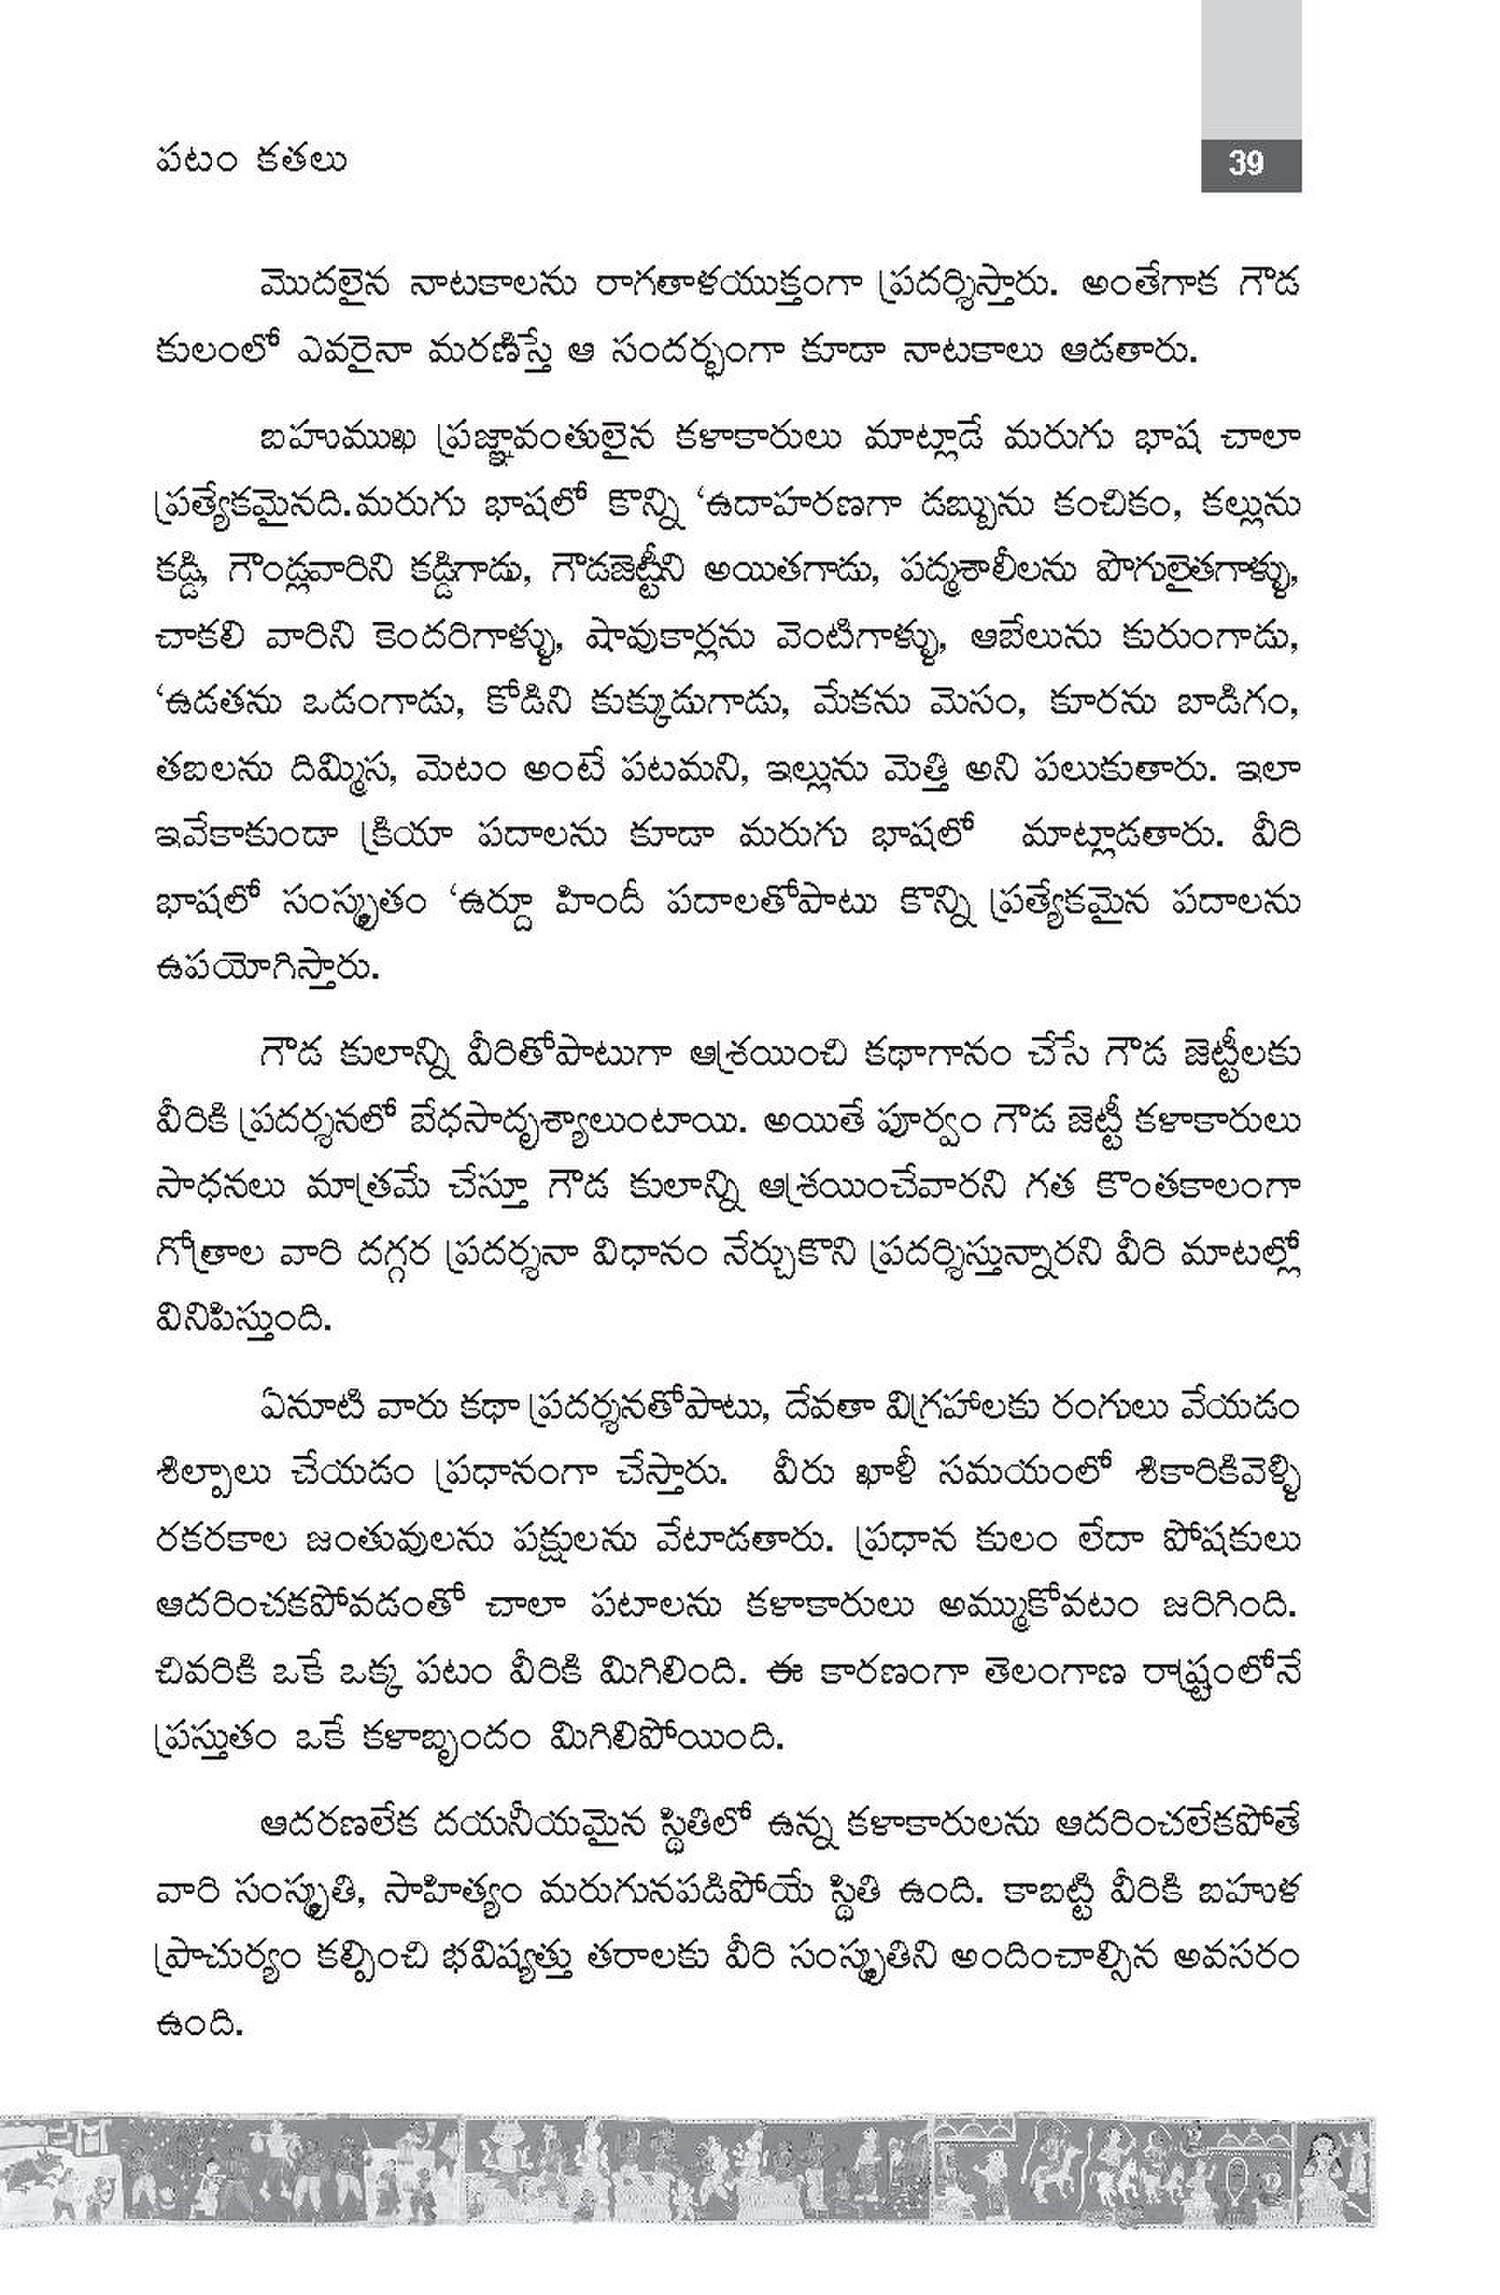మొదలైన నాటకాలను రాగతాళయుక్తంగా ప్రదర్శిస్తారు. అంతేగాక గౌడ కులంలో ఎవరైనా మరణిస్తే ఆ సందర్భంగా కూడా నాటకాలు ఆడతారు.

బహుముఖ ప్రజ్ఞావంతులైన కళాకారులు మాట్లాడే మరుగు భాష చాలా ప్రత్యేకమైనది.మరుగు భాషలో కొన్ని 'ఉదాహరణగా డబ్బును కంచికం, కల్లును కడ్డీ, గౌండ్లవారిని కడ్డిగాడు, గౌడజెట్టీని అయితగాడు, పద్మశాలీలను పొగులైతగాళ్ళు,
చాకలి వారిని కెందరిగాళ్ళు, షావుకార్లను వెంటిగాళ్ళు, ఆబేలును కురుంగాడు, ఉడతను ఒదంగాడు, కోడిని కుక్కుడు గాడు, మేకను మెసం, కూరను బాడిగం, తబలను దిమ్మిస, మెటం అంటే పటమని, ఇల్లును మెత్తి అని పలుకుతారు. ఇలా ఇవేకాకుండా క్రియా పదాలను కూడా మరుగు భాషలో మాట్లాడతారు. వీరి భాషలో సంస్కృతం 'ఉర్దూ హిందీ పదాలతోపాటు కొన్ని ప్రత్యేకమైన పదాలను ఉపయోగిస్తారు.

గౌడ కులాన్ని వీరితోపాటుగా ఆశ్రయించి కథాగానం చేసే గౌడ జెట్టీలకు వీరికి ప్రదర్శనలో బేధసాదృశ్యాలుంటాయి. అయితే పూర్వం గౌడ జెట్టీ కళాకారులు సాధనలు మాత్రమే చేస్తూ గౌడ కులాన్ని ఆశ్రయించేవారని గత కొంతకాలంగా
గోత్రాల వారి దగ్గర ప్రదర్శనా విధానం నేర్చుకొని ప్రదర్శిస్తున్నారని వీరి మాటల్లో వినిపిస్తుంది.

ఏనూటి వారు కథా ప్రదర్శనతోపాటు, దేవతా విగ్రహాలకు రంగులు వేయడం శిల్పాలు చేయడం ప్రధానంగా చేస్తారు. వీరు ఖాళీ సమయంలో శికారికివెళ్ళి రకరకాల జంతువులను పక్షులను వేటాడతారు. ప్రధాన కులం లేదా పోషకులు
ఆదరించకపోవడంతో చాలా పటాలను కళాకారులు అమ్ముకోవటం జరిగింది. చివరికి ఒకే ఒక్క పటం వీరికి మిగిలింది. ఈ కారణంగా తెలంగాణ రాష్ట్రంలోనే ప్రస్తుతం ఒకే కళాబృందం మిగిలిపోయింది.

ఆదరణలేక దయనీయమైన స్థితిలో ఉన్న కళాకారులను ఆదరించలేకపోతే వారి సంస్కృతి, సాహిత్యం మరుగునపడిపోయే స్థితి ఉంది. కాబట్టి వీరికి బహుళ ప్రాచుర్యం కల్పించి భవిష్యత్తు తరాలకు వీరి సంస్కృతిని అందించాల్సిన అవసరం
ఉంది.